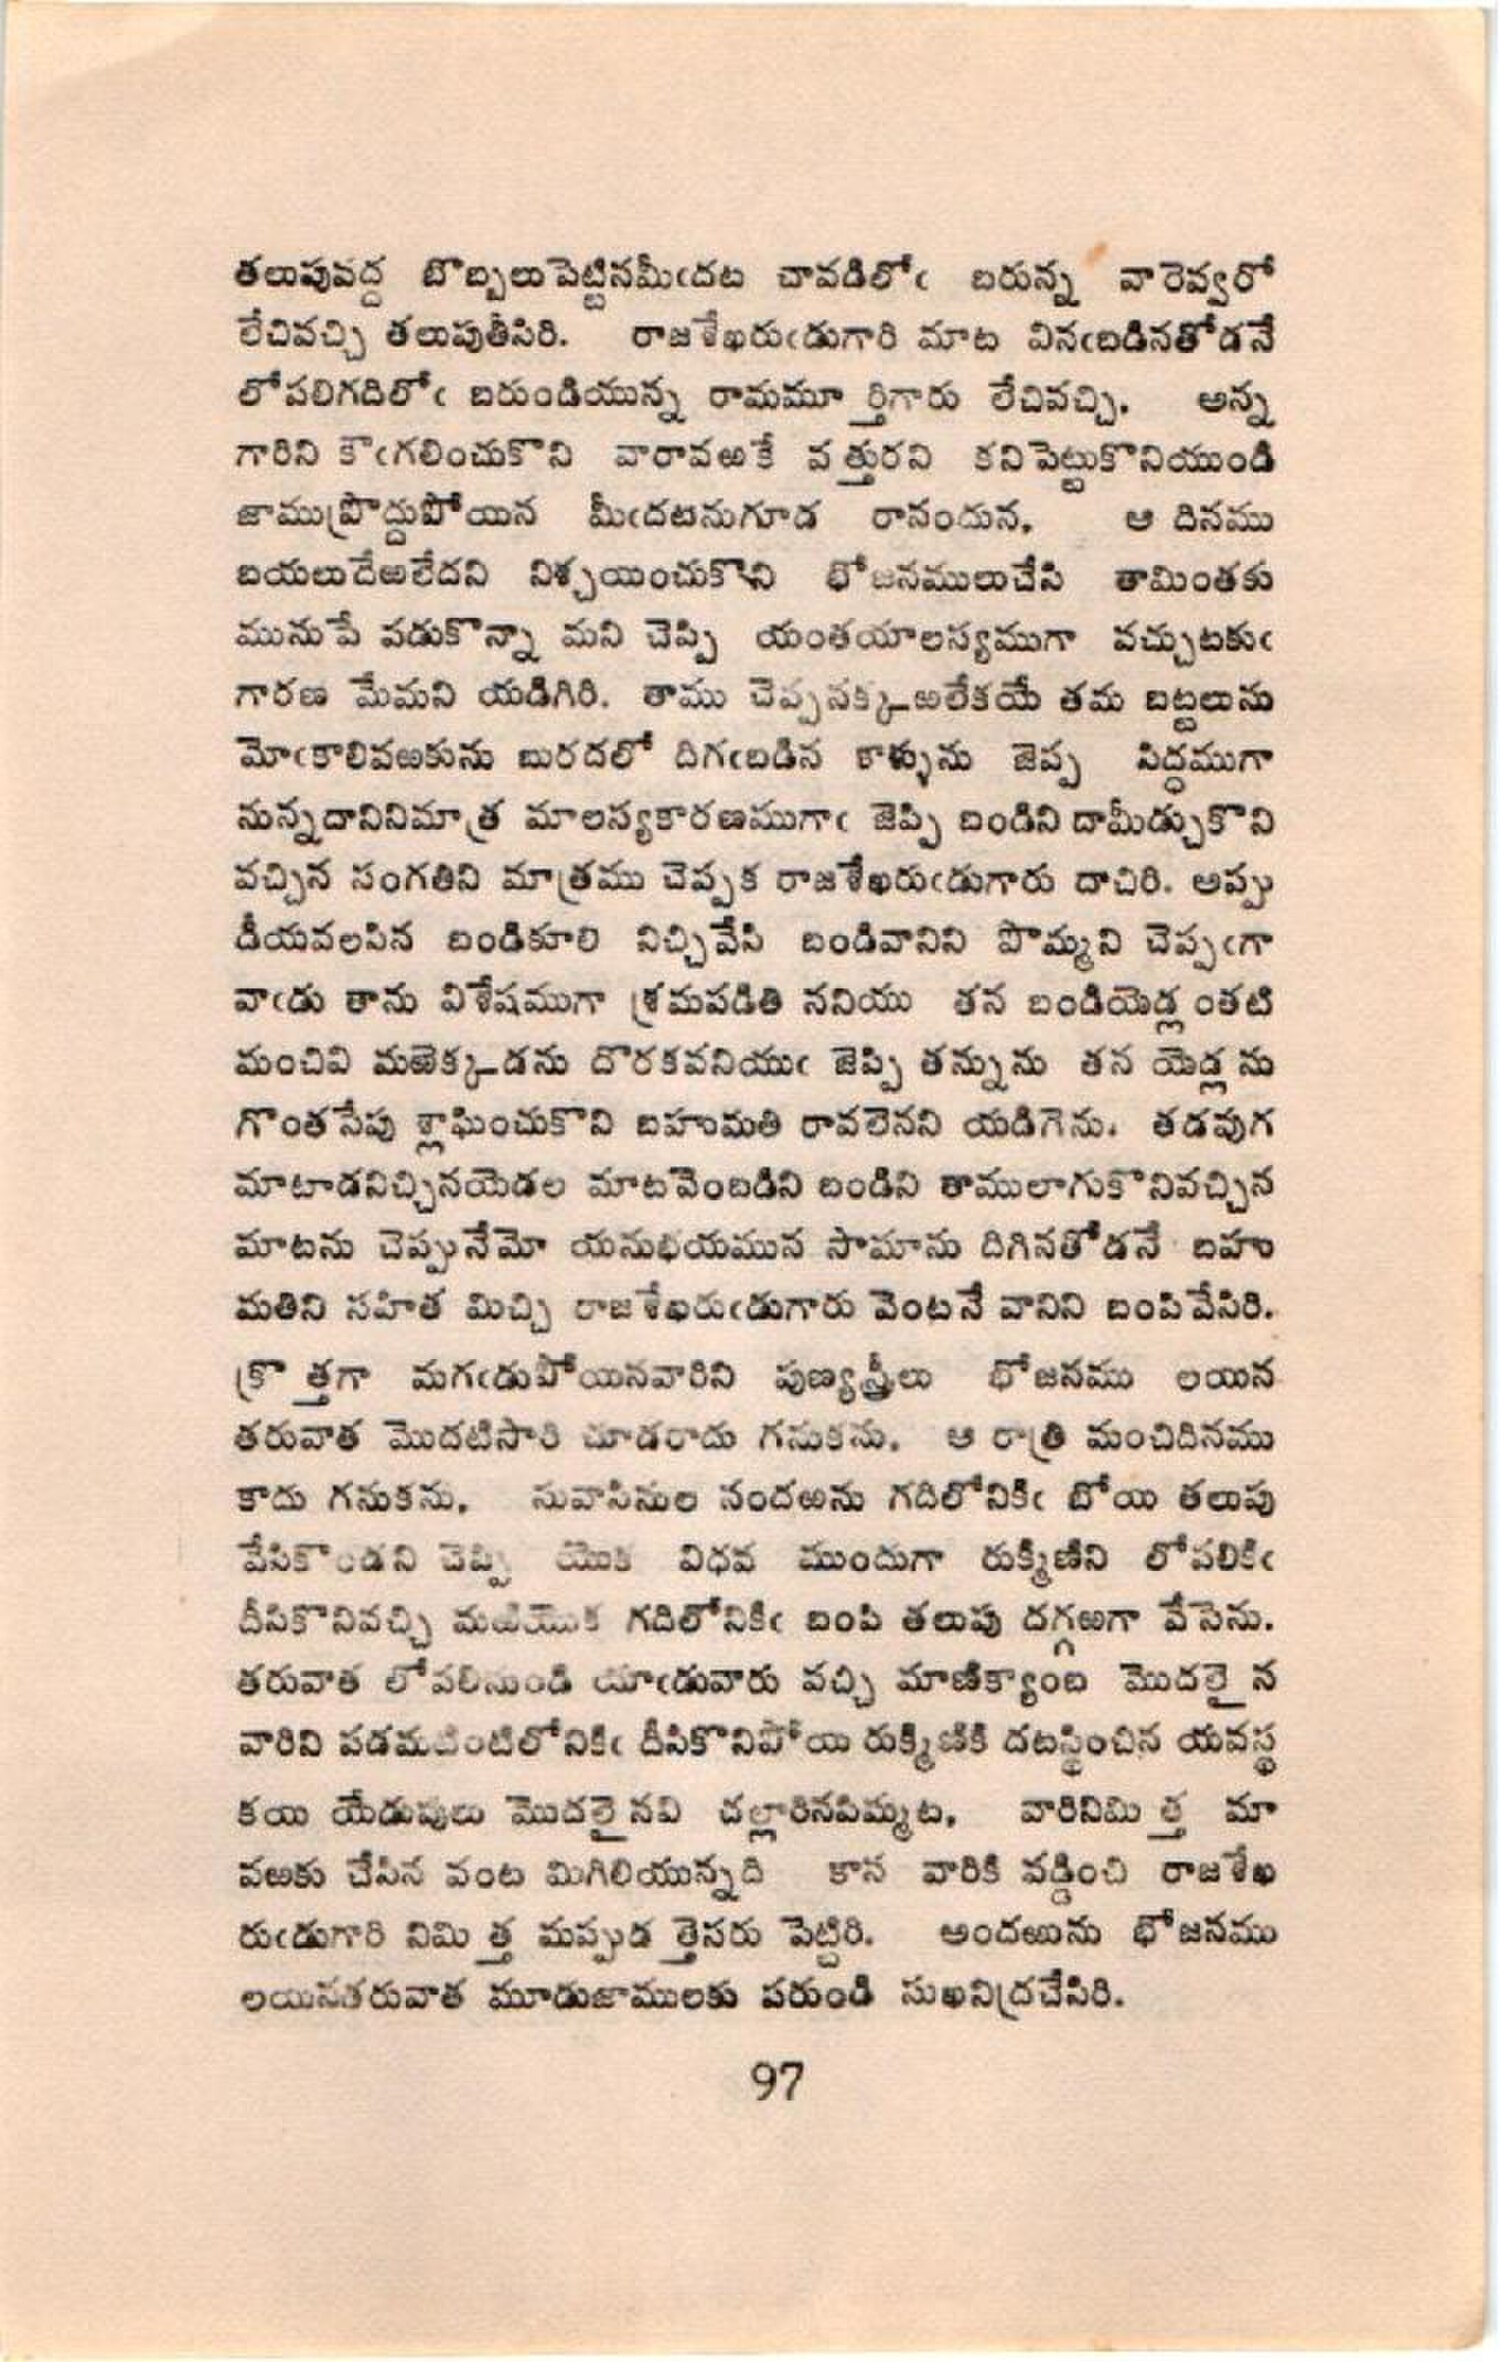తలుపువద్ద బొబ్బలు పెట్టినమీఁదట చావడిలోఁ బరున్న వారెవ్వరో లేచివచ్చి తలుపుతీసిరి. రాజశేఖరుడుగారి మాట వినఁబడినతోడనే లోపలిగదిలోఁ బరుండియున్న రామమూర్తిగారు లేచివచ్చి, అన్న గారిని కౌగలించుకొని వారావఱకే వత్తురని కనిపెట్టుకొనియుండి జాము ప్రొద్దుపోయిన మీఁదటనుగూడ రానందున, ఆ దినము బయలుదేఱలేదని నిశ్చయించుకొని భోజనములుచేసి తామింతకు మునుపే పడుకొన్నామని చెప్పి యంతయాలస్యముగా వచ్చుటకుఁ గారణమేమని యడిగిరి. తాము చెప్పనక్కఱలేకయే తమ బట్టలను మోకాలివఱకును బురదలో దిగబడిన కాళ్ళను జెప్ప సిద్ధముగా నున్నదానినిమాత్ర మాలస్యకారణముగాఁ జెప్పి బండిని దామీడ్చుకొని వచ్చిన సంగతిని మాత్రము చెప్పక రాజశేఖరుఁడుగారు దాచిరి. అప్పు డీయవలసిన బండికూలి నిచ్చివేసి బండివానిని పొమ్మని చెప్పఁగా వాఁడు తాను విశేషముగా శ్రమపడితి ననియు తన బండియెడ్లంతటి మంచివి మఱెక్కడను దొరకవనియఁ జెప్పి తన్నును తన యెడ్లను గొంతసేపు శ్లాఘించుకొని బహుమతి రావలెనని యడిగెను. తడవుగ మాటాడనిచ్చినయెడల మాట వెంబడిని బండిని తాములాగుకొనివచ్చిన మాటను చెప్పునేమో యనుభయమున సామాను దిగినతోడనే బహుమతిని సహిత మిచ్చి రాజశేఖరుఁడుగారు వెంటనే వానిని బంపివేసిరి. కొత్తగా మగడుపోయినవారిని పుణ్యస్త్రీలు భోజనము లయిన తరువాత మొదటిసారి చూడరాదు గనుకను, ఆ రాత్రి మంచిదినము కాదు గనుకను, సువాసినుల నందఱును గదిలోనికిఁ బోయి తలుపు పేసికొండని చెప్పి యొక విధవ ముందుగా రుక్మిణిని లోపలికిఁ దీసికొనివచ్చి మఱియొక గదిలోనికిఁ బంపి తలుపు దగ్గఱగా వేసెను. తరువాత లోపలినుండి యాడువారు వచ్చి మాణిక్యాంబ మొదలైన వారిని పడమటింటిలోనికిఁదీసికొనిపోయి రుక్మిణికి దటస్థించిన యవస్థ కయి యేడుపులు మొదలైనవి చల్లారినపిమ్మట, వారినిమిత్త మా వఱకు చేసిన వంట మిగిలియున్నది కాన వారికి వడ్డించి రాజశేఖ రుఁడుగారి నిమిత్త మప్పుడత్తెసరు పెట్టిరి. అందఱును భోజనము లయినతరువాత మూడుజాములకు పరుండి సుఖనిద్రచేసిరి.